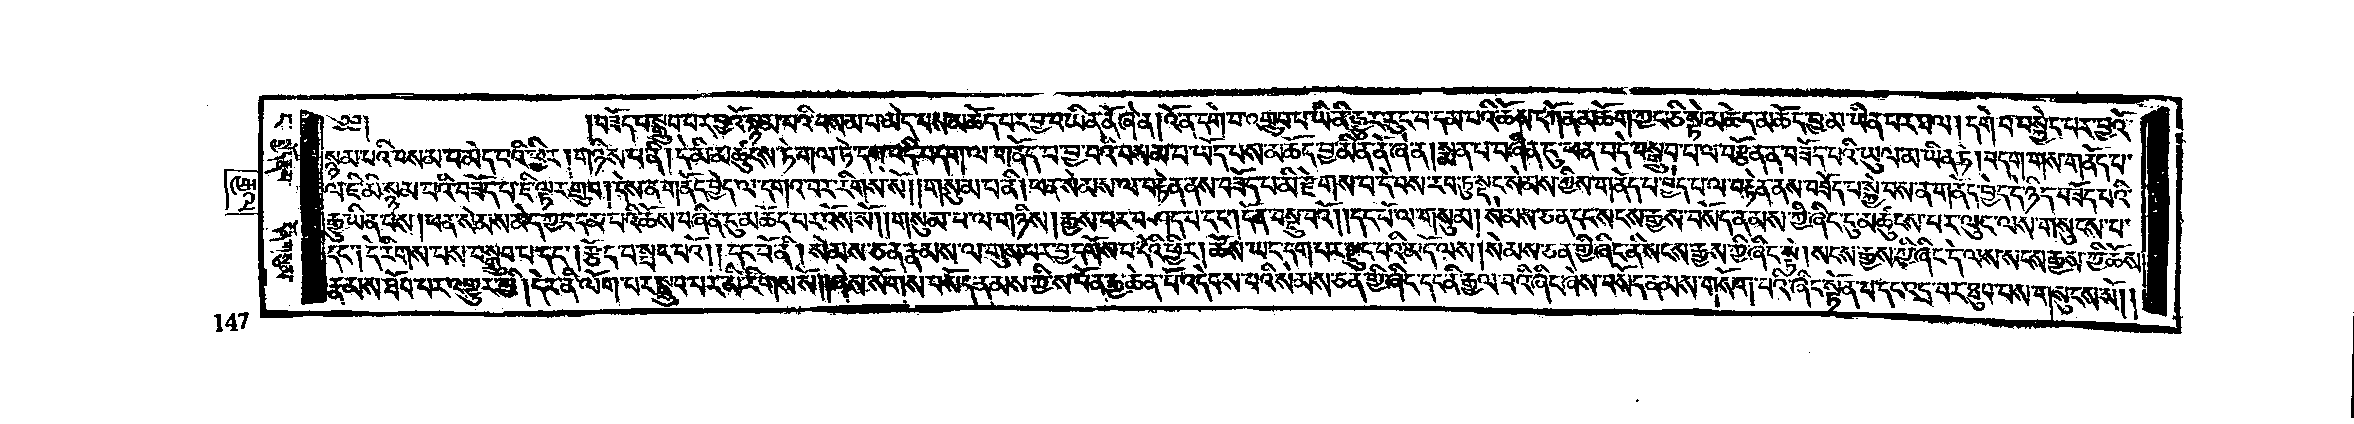༄༅། །བཟོད་པ་སྒྲུབ་པར་བྱའོ་སྙམ་པའི་བསམ་པ་མེད་པས་མཆོད་པར་བྱ་བ་ཡིན་ནོ་ཞེ་ན། འོ་ན་དགེ་བ་འགྲུབ་པ་ཡི་ནི་རྒྱུར་རུང་བ་དམ་པའི་ཆོས་དཀོན་མཆོག་ཀྱང་ཅི་སྟེ་མཆེད་མཆོད་བྱ་མ་ཡིན་པར་ཐལ། དགེ་བ་བསྐྱེད་པར་བྱའོ། །
སྙམ་པའི་བསམ་པ་མེད་པའི་ཕྱིར། གཉིས་པ་ནི་དེ་མི་མཚུངས་ཏེ་གལ་ཏེ་དག་འདི་བདག་ལ་གནོད་པ་བྱ་བའི་བསམ་པ་ཡོད་པས་མཆོད་བྱ་མིན་ནོ་ཞེ་ན། སྨན་པ་བཞིན་དུ་ཕན་བདེ་བསྒྲུབ་པ་ལ་བརྩོན་ན་བཟོད་པའི་ཡུལ་མ་ཡིན་ཏེ། བདག་གིས་གནོད་པ་
ལ་ཇི་མི་སྙམ་པའི་བཟོད་པ་ཇི་ལྟར་གྲུབ། དེས་ན་གནོད་བྱེད་ལ་དགའ་བར་རིགས་སོ། །གསུམ་པ་ནི། ཕན་སེམས་ལ་བརྟེན་ནས་བཟོད་པ་མི་རྫོགས་པ་དེ་བས་རབ་ཏུ་སྡང་སེམས་ཀྱི་གནོད་པ་བྱེད་པ་ལ་བརྟེན་ནས་བཟོད་པ་སྐྱེ་བས་ན་གནོད་བྱེད་དེ་ཉིད་བཟོད་པའི་
རྒྱུ་ཡིན་པས། ཕན་སེམས་མེད་ཀྱང་ནམ་པའི་ཆོས་བཞིན་དུ་མཆོད་པར་འོས་སོ། །གསུམ་པ་ལ་གཉིས། རྒྱས་པར་བཤད་པ་དང་། དོན་བསྡུ་བའོ། །དང་པོ་ལ་གསུམ། སེམས་ཅན་དང་སངས་རྒྱས་བསོད་ནམས་ཀྱི་ཞིང་དུ་མཚུངས་པར་ལུང་ལས་གསུངས་པ་
དང༑ དེ་རིགས་པས་བསྒྲུབ་པ་དང་། རྩོད་པ་སྤང་བའོ། །དང་པོ་ནི། སེམས་ཅན་རྣམས་ལ་གུས་པར་བྱ་དགོས་པ་དེའི་ཕྱིར། ཆོས་ཡང་དག་པར་སྡུད་པའི་མདོ་ལས། སེམས་ཅན་གྱི་ཞིང་ནི་སངས་རྒྱས་ཀྱི་ཞིང་སྟེ། སངས་རྒྱས་ཀྱི་ཞིང་དེ་ལས་སངས་རྒྱས་ཀྱི་ཆོས་
རྣམས་ཐོབ་པར་འགྱུར་གྱི་།དེར་ནི་ལོག་པར་སྒྲུབ་པར་མི་རིགས་སོ། །ཞེས་སོགས་བསོད་ནམས་ཀྱི་ས་བོན་རྒྱ་ཆེན་པོ་འདེབས་པའི་སེམས་ཅན་གྱི་ཞིང་དང་ནི་རྒྱལ་བའི་ཞིང་ཞེས་བསོད་ནམས་གསོག་པའི་ཞིང་སྟོན་པ་དང་འདྲ་བར་ཐུབ་པས་གསུངས་སོ། །